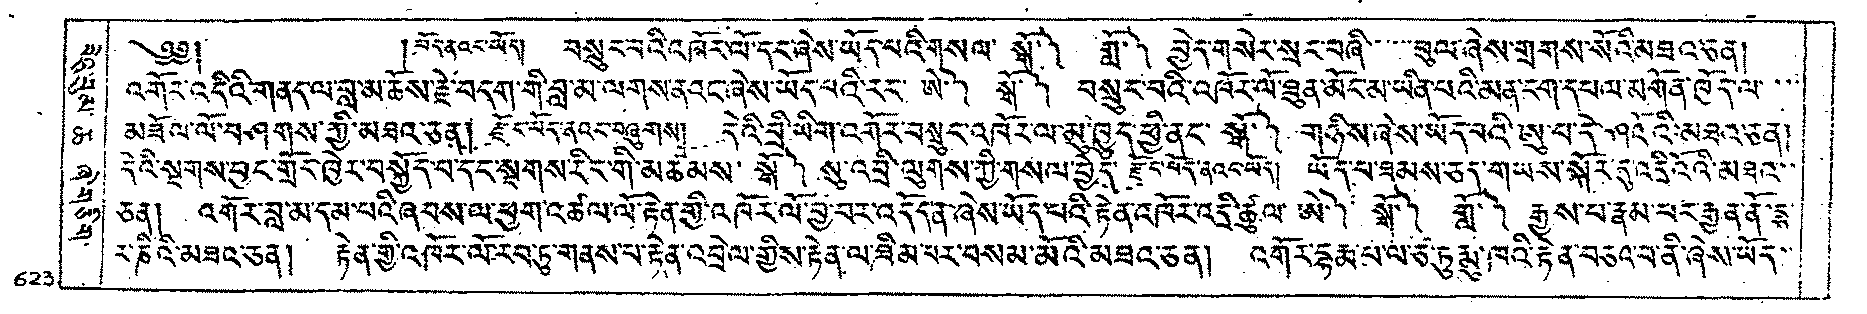༄༅། ། པོད་ནའང་ཡོད།  བསྲུང་བའི་འཁོར་ལོ་དང་ཞེས་ཡོད་པའི་གསལ་སྒ྄ོ་གླ྄ོ་བྱེད་གསེར་སྲང་བཞི་ཕུལ་ཞེས་གྲགས་སོའི་མཐའ་ཅན།
འགོར་འདིའི་གནད་ལ་བླ་མ་ཆོས་རྗེ་བདག་གི་བླ་མ་ལགས་ནའང་ཞེས་ཡོད་པའི་རང་ཨ྄ེ་སྒ྄ོ་བསྲུང་བའི་འཁོར་ལོ་ཐུན་མོང་མ་ཡིན་པའི་མན་ངག་དཔལ་མགོན་ཁྱོད་ལ་
མཐོལ་ལོ་བཤགས་ཀྱི་མཐའ་ཅན། རྫོང་པོད་ནའང་བཞུགས།  དེའི་བྲི་ཡིག་འགོར་བསྲུང་འཁོར་ལ་མུ་ཁྱུད་ཕྱི་ནང་སྒ྄ོ་གཉིས་ཞེས་ཡོད་པའི་ཨུ་པ་དེ་ཤའོའི་མཐའ་ཅན།
དེའི་སྔགས་བྱང་གྲོང་ཁྱེར་བསྐྱོད་པ་དང་སྔགས་རིང་གི་མཚམས་སྒ྄ོ་སུ་འབྲི་ལུགས་ཀྱི་གསལ་བྱེད་རྫོང་པོད་ནའང་ཡོད།  ཡོད་པ་ཐམས་ཅད་གཡས་སྐོར་དུ་འདྲིའོའི་མཐའ་
ཅན། འགོར་བླ་མ་དམ་པའི་ཞབས་ལ་ཕྱག་འཚལ་ལོ་རྟེན་གྱི་འཁོར་ལོ་བྱ་བར་འདོད་ན་ཞེས་ཡོད་པའི་རྟེན་འཁོར་འདྲི་ཚུལ་ཨ྄ེ་སྒ྄ོ་གླ྄ོ་རྒྱས་པ་རྣམ་པར་རྒྱན་ནོ་དྷ་
ར་ཎིའི་མཐའ་ཅན། རྟེན་གྱི་འཁོར་ལོ་རབ་ཏུ་གནས་པ་རྟེན་འབྲེལ་གྱིས་རྟེན་ལ་ཐིམ་པར་བསམ་མོའི་མཐའ་ཅན། འགོར་དྷརྨ་པ་ལ་ཙ་ཏུ་རྨུ་ཁའི་རྟེན་བཅའ་བ་ནི་ཞེས་ཡོད་